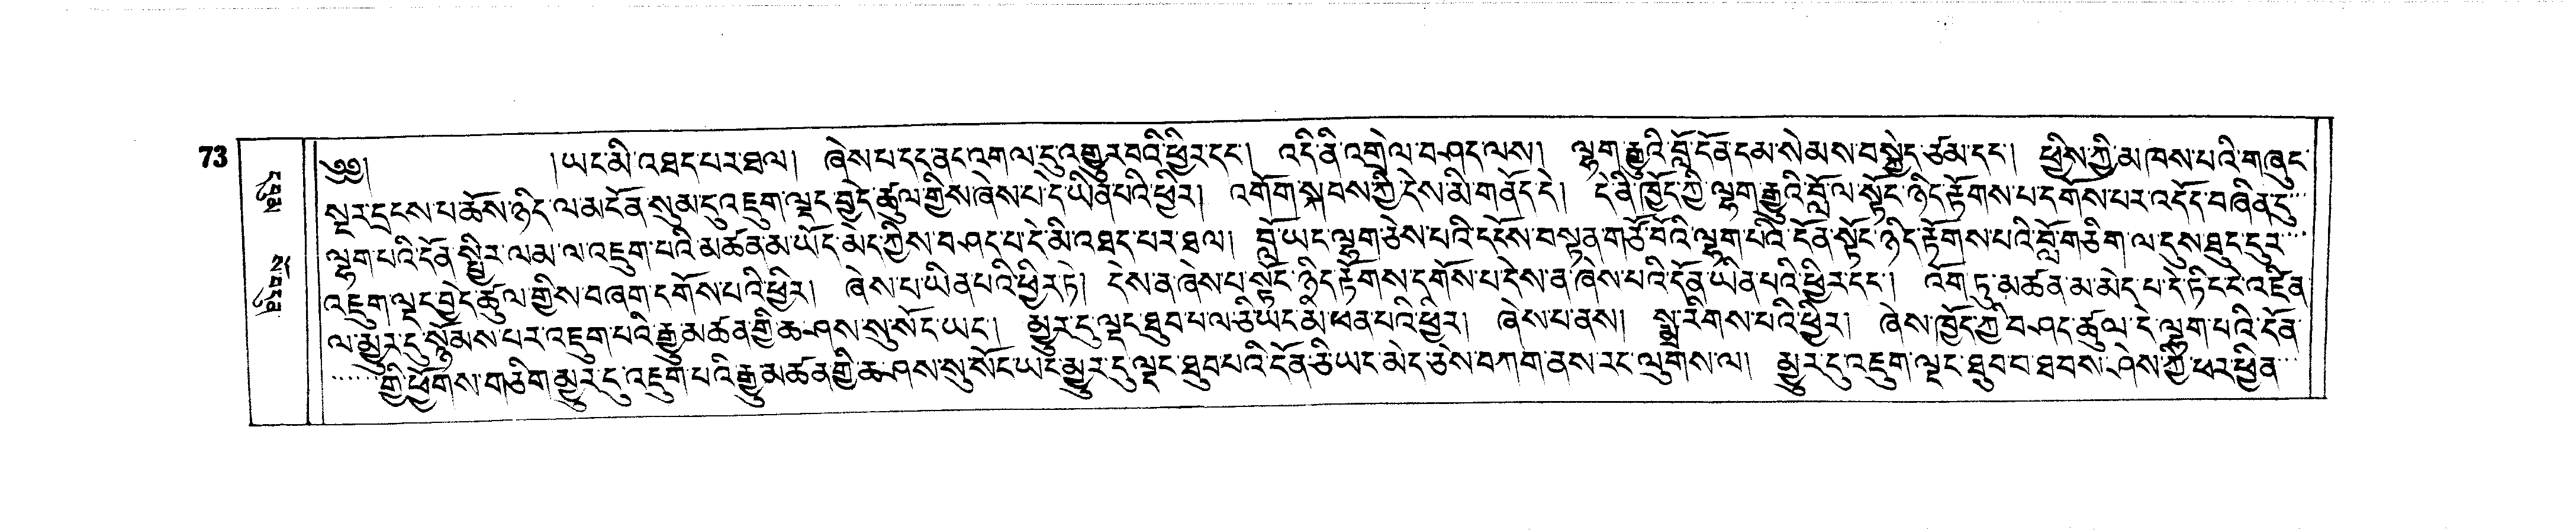༄༅། །ཡང་མི་འཐད་པར་ཐལ། ཞེས་པ་དང་ནང་འགལ་དུ་འགྱུར་བའི་ཕྱིར་དང་། འདི་ནི་འགྲེལ་བཤད་ལས། ལྷག་རྒྱུའི་བློ་དོན་དམ་སེམས་བསྐྱེད་ཙམ་དང་། ཕྱིས་ཀྱི་མཁས་པའི་གཞུང་སྔར་དྲངས་པ་ཆོས་ཉིད་ལ་མངོན་སུམ་དུ་འཇུག་ལྡང་བྱེད་ཚུལ་གྱིས་ཞེས་པ་དེ་ཡིན་པའི་ཕྱིར། འགོག་སྐབས་ཀྱི་དེས་མི་གནོད་དེ། དེ་ནི་ཁྱོད་ཀྱི་ལྷག་རྒྱུའི་བློ་ལ་སྟོང་ཉིད་རྟོགས་པ་དགོས་པར་འདོད་བཞིན་དུ་
ལྷག་པའི་དོན་སྤྱིར་ལམ་ལ་འཇུག་པའི་མཚན་མ་ཡོད་མེད་ཀྱིས་བཤད་པ་དེ་མི་འཐད་པར་ཐལ། བློ་ཡང་ལྷག་ཅེས་པའི་དངོས་བསྟན་གཙོ་བོའི་ལྷག་པའི་དོན་སྟོང་ཉིད་རྟོགས་པའི་བློ་གཅིག་ལ་དུས་ཐུང་ངུར་
འཇུག་ལྡང་བྱེད་ཚུལ་གྱིས་བཞག་དགོས་པའི་ཕྱིར། ཞེས་པ་ཡིན་པའི་ཕྱིར་ཏེ། དེས་ན་ཞེས་པ་སྟོང་ཉིད་རྟོགས་དགོས་པ་དེས་ན་ཞེས་པའི་དོན་ཡིན་པའི་ཕྱིར་དང་། འོག་ཏུ་མཚན་མ་མེད་པ་དེ་ཏིང་ངེ་འཛིན་
ལ་མྱུར་དུ་སྙོམས་པར་འཇུག་པའི་རྒྱུ་མཚན་གྱི་ཆ་ཤས་སུ་སོང་ཡང་། མྱུར་དུ་ལྡང་ཐུབ་པ་ལ་ཅི་ཡང་མི་ཕན་པའི་ཕྱིར། ཞེས་པ་ནས། སྨྲ་རིགས་པའི་ཕྱིར། ཞེས་ཁྱོད་ཀྱི་བཤད་ཚུལ་དེ་ལྷག་པའི་དོན་
གྱི་ཕྱོགས་གཅིག་མྱུར་དུ་འཇུག་པའི་རྒྱུ་མཚན་གྱི་ཆ་ཤས་སུ་སོང་ཡང་མྱུར་དུ་ལྡང་ཐུབ་པའི་དོན་ཅི་ཡང་མེད་ཅེས་བཀག་ནས་རང་ལུགས་ལ། མྱུར་དུ་འཇུག་ལྡང་ཐུབ་པ་ཐབས་ཤེས་ཀྱི་ཕར་ཕྱིན་